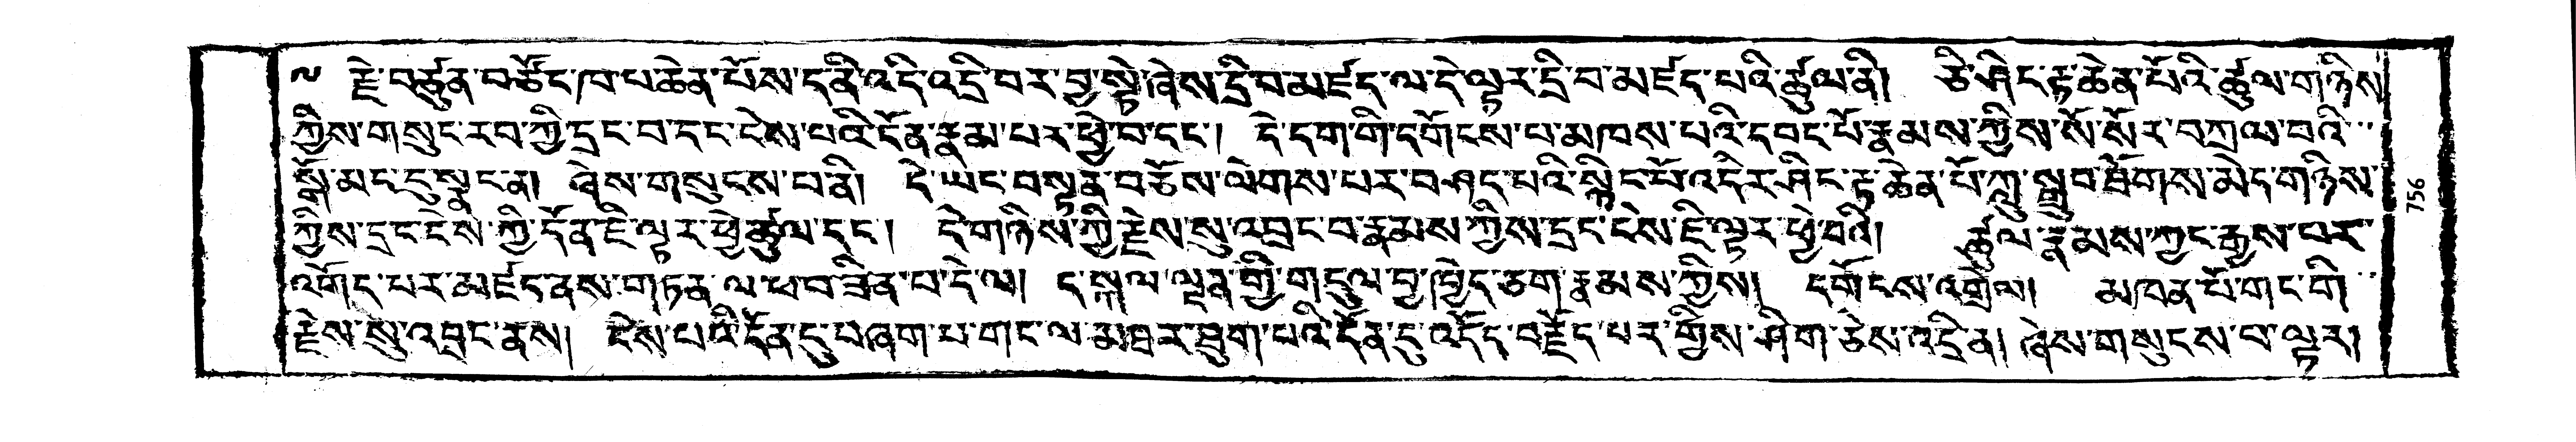༧རྗེ་བཙུན་བཙོང་ཁ་པ་ཆེན་པོས་ད་ནི་འདི་འདྲི་བར་བྱ་སྟེ་ཞེས་དྲི་བ་མཛད་ལ་དེ་ལྟར་དྲི་བ་མཛད་པའི་ཚུལ་ནི། ཅི་ཤིང་རྟ་ཆེན་པོའི་ཚུལ་གཉིས་
ཀྱིས་གསུང་རབ་ཀྱི་དྲང་བ་དང་ངེས་པའི་དོན་རྣམ་པར་ཕྱེ་བ་དང་། དེ་དག་གི་དགོངས་པ་མཁས་པའི་དབང་པོ་རྣམས་ཀྱིས་སོ་སོར་བཀྲལ་བའི་
སྒོ་མང་དུ་སྣང་ན། ཞེས་གསུངས་པ་ནི། དེ་ཡང་བསྟན་བཅོས་ལེགས་པར་བཤད་པའི་སྙིང་པོ་འདིར་ཤིང་རྟ་ཆེན་པོ་ཀླུ་སྒྲུབ་ཐོགས་མེད་གཉིས་
ཀྱིས་དྲང་ངེས་ཀྱི་དོན་ཇི་ལྟར་ཕྱེ་ཚུལ་དང་། དེ་གཉིས་ཀྱི་རྗེས་སུ་འབྲང་བ་རྣམས་ཀྱིས་དྲང་ངེས་ཇི་ལྟར་ཕྱེ་བའི། ཚུལ་རྣམས་ཀྱང་རྒྱས་པར་
འགོད་པར་མཛད་ནས་གཏན་ལ་ཕབ་ཟིན་པ་དེ་ལ། ད་སྐལ་ལྡན་གྱི་གདུལ་བྱ་ཁྱེད་ཅག་རྣམས་ཀྱིས། དགོངས་འགྲེལ། མཁན་པོ་གང་གི་
རྗེས་སུ་འབྲང་ནས། ངེས་པའི་དོན་དུ་བཞག་པ་གང་ལ་མཐར་ཐུག་པའི་དོན་དུ་འདོད་བརྗོད་པར་གྱིས་ཤིག་ཅེས་འདྲི་ན། ཞེས་གསུངས་པ་ལྟར།